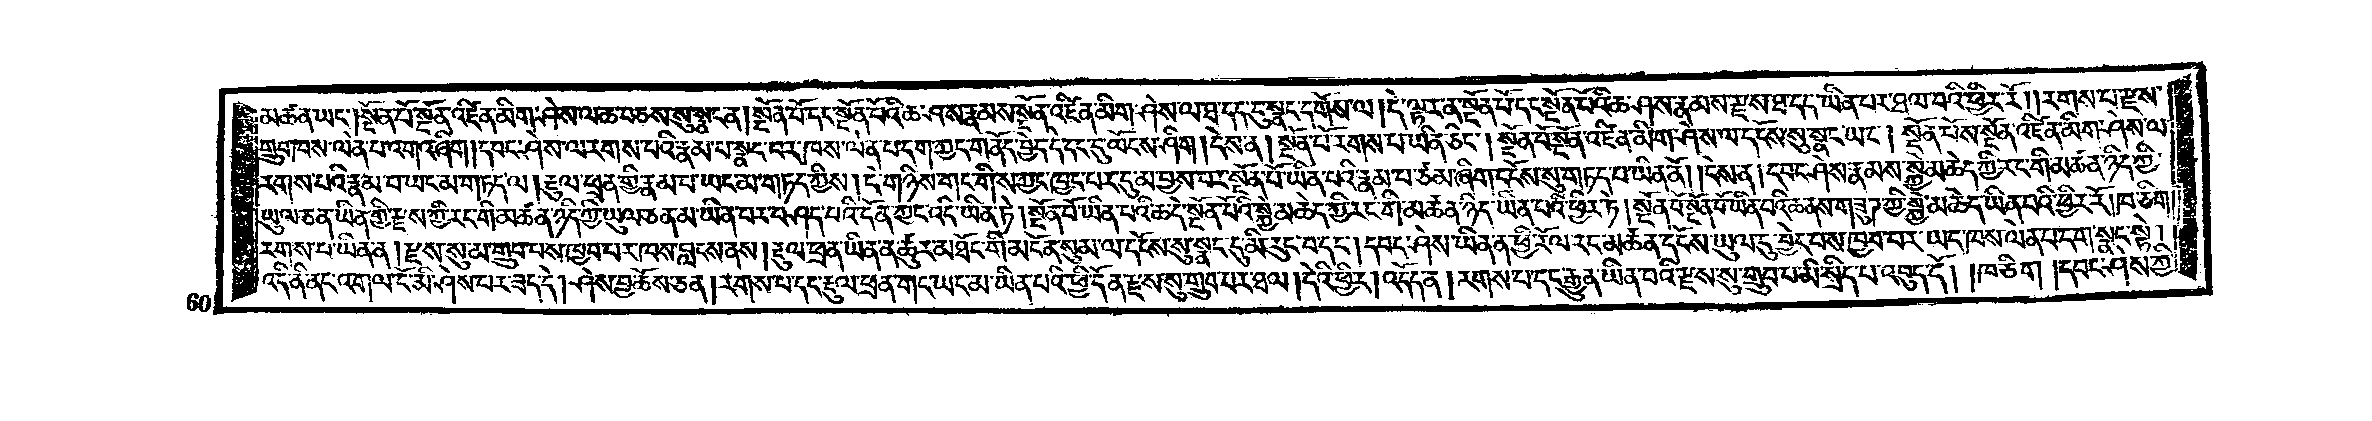མཚན་ཡང་། སྔོན་པོ་སྔོན་འཛིན་མིག་ཤེས་ལ་ཆ་བཅས་སུ་སྣང་ན། སྔོན་པོ་དང་སྔོན་པོའི་ཆ་ཤས་རྣམས་སྔོན་འཛིན་མིག་ཤེས་ལ་ཐ་དད་དུ་སྣང་དགོས་ལ། དེ་ལྟར་ན་སྔོན་པོ་དང་སྔོན་པོའི་ཆ་ཤས་རྣམས་རྫས་ཐ་དད་ཡིན་པར་ཐལ་བའི་ཕྱིར་རོ། །རགས་པ་རྫས་
གྲུབ་ཁས་ལེན་པ་འགའ་ཞིག །དབང་ཤེས་ལ་རགས་པའི་རྣམ་པ་སྣང་བར་ཁས་ལེན་པ་དག་ཀྱང་གནོད་བྱེད་དེ་དང་དུ་ལོངས་ཤིག །དེས་ན། སྔོན་པོ་རགས་པ་ཡིན་ཅིང་། སྔོན་པོ་སྔོན་འཛིན་མིག་ཤེས་ལ་དངོས་སུ་སྣང་ཡང་། སྔོན་པོས་སྔོན་འཛིན་མིག་ཤེས་ལ་
རགས་པའི་རྣམ་པ་ཡང་མ་གཏད་ལ། རྡུལ་ཕྲན་གྱི་རྣམ་པ་ཡང་མ་གཏད་ཀྱིས། དེ་གཉིས་གང་གིས་ཀྱང་ཁྱད་པར་དུ་མ་བྱས་པར་སྔོན་པོ་ཡིན་པའི་རྣམ་པ་ཙམ་ཞིག་དངོས་སུ་གཏད་པ་ཡིན་ནོ། །དེས་ན། དབང་ཤེས་རྣམས་སྐྱེ་མཆེད་ཀྱི་རང་གི་མཚན་ཉིད་ཀྱི་
ཡུལ་ཅན་ཡིན་གྱི་རྫས་ཀྱི་རང་གི་མཚན་ཉིད་ཀྱི་ཡུལ་ཅན་མ་ཡིན་པར་བཤད་པའི་དོན་ཀྱང་འདི་ཡིན་ཏེ། སྔོན་པོ་ཡིན་པའི་ཆ་དེ་སྔོན་པོའི་སྐྱེ་མཆེད་ཀྱི་རང་གི་མཚན་ཉིད་ཡིན་པའི་ཕྱིར་ཏེ། སྔོན་པོ་སྔོན་པོ་ཡིན་པའི་ཆ་ནས་གཟུཌ་ཀྱི་སྐྱེ་མཆེད་ཡིན་པའི་ཕྱིར་རོ། ཁ་ཅིག །
རགས་པ་ཡིན་ན། རྫས་སུ་མ་གྲུབ་པས་ཁྱབ་པར་ཁས་བླངས་ནས། རྡུལ་ཕྲན་ཡིན་ན་ཚུར་མཐོང་གི་མངོན་སུམ་ལ་དངོས་སུ་སྣང་དུ་མི་རུང་བ་དང་། དབང་ཤེས་ཡིན་ན་ཕྱི་རོལ་རང་མཚན་དངོས་ཡུལ་དུ་བྱེད་པས་ཁྱབ་པར་ཡང་ཁས་ལེན་པ་དག་སྣང་སྟེ།
འདི་ནི་ནང་འགལ་ངོ་མི་ཤེས་པར་ཟད་དེ། ཤེས་བྱ་ཆོས་ཅན། རགས་པ་དང་རྡུལ་ཕྲན་གང་ཡང་མ་ཡིན་པའི་ཕྱི་དོན་རྫས་སུ་གྲུབ་པར་ཐལ། དེའི་ཕྱིར། འདོད་ན། རགས་པ་དང་རྒྱུན་ཡིན་པའི་རྫས་སུ་གྲུབ་པ་མི་སྲིད་པ་འབུད་དོ། །ཁ་ཅིག །དབང་ཤེས་ཀྱི་